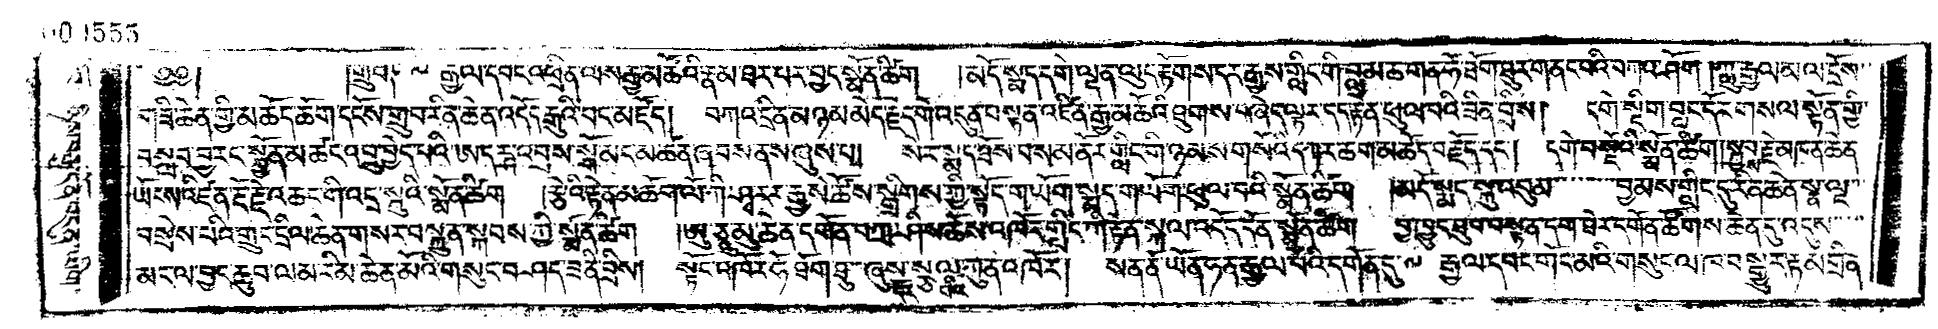༄༅། །གྲུབ༑ ༧་རྒྱལ་དབང་འཕྲིན་ལས་རྒྱ་མཚོའི་རྣམ་ཐར་པར་བྱང་སྨོན་ཚིག །མདོ་སྨད་དགེ་ལྡན་ལུང་རྟོགས་དར་རྒྱས་གླིང་གི་བླ་མ་ཆ་གན་ཧོ་ཐོག་ཐུར་གནང་བའི་བཀའ་ཤོག །ཀླུ་རྒྱལ་མལ་དྲོས་
གཟི་ཆེན་གྱི་མཆོད་ཆོག་དངོས་གྲུབ་རིན་ཆེན་འདོད་རྒུའི་དབང་མཛོད། བཀའ་དྲིན་མཉམ་མེད་རྗེ་དགེ་འདུན་བསྟན་འཛིན་རྒྱ་མཆོའི་ཐུགས་བཞེད་ལྟར་དད་རྟེན་ཕུལ་བའི་ཟིན་བྲིས། དགེ་སྡིག་བླང་དོར་གསལ་སྟོན་གྱི་
བསླབ་བྱ་རང་སྐྱོན་མཚང་འབྲུ་བྱེད་པའི་ཨ་དརྴ་འབྲས་སྒོ་མང་མཚན་ཞབས་ནས་ཞུས་པ། སེར་སྨད་ཐོས་བསམ་ནོར་གླིང་གི་ཉམས་གསོའི་དཀར་ཆག་མཆོད་བརྗོད་དང་། དགེ་བསྔོའི་སྨོན་ཚིག །སྐྱབས་རྗེ་མཁན་ཆེན་
ཡོངས་འཛིན་རྡོ་རྗེ་འཆང་གི་འདྲ་སྐུའི་སྨོན་ཚིག །རྩེའི་རྟེན་མཆོག་ལོ་ཀི་ཤྭ་རར་རྒྱ་སེ་ཚོས་སྒྲིགས་ཀྱི་སྟོད་གཡོག་སྨད་གཡོག་ཕུལ་བའི་སྨོན་ཚིག །མདོ་སྨད་སྐུ་འབུམ་བྱམས་གླིང་དུ་རིན་ཆེན་སྣ་ལྔ་
བསྲེས་པའི་གྲུང་དྲིལ་ཆེན་གསར་བསྐྲུན་སྐབས་ཀྱི་སྨོན་ཚིག །ཨུ་ཅཱུ་མུ་ཆེན་དགོན་བཀྲ་ཤིས་ཆོས་འཁོར་གླིང་གི་རྟེན་སྐལ་འདོད་དོན་སྨོན་ཚིག་བྱ་ཁྱུང་ཐུབ་བསྟན་དག་ཐེར་དགོན་ཚོགས་ཆེན་དུ་འདུས་
མང་ལ་བྱང་ཆུབ་ལམ་རིམ་ཆེན་མོའི་གསུང་བཤད་ཟིན་བྲིས། སྟོང་འཁོར་ཧོ་ཐོག་ཐུ་ཞུས་དོར་སྩལ་བའི་ཀུན་འཁོར། སན་ནོ་ཡོན་ཧན་རྒྱལ་པོའི་དགོན་དུ ༧་རྒྱལ་དབང་གོང་མའི་གསུང་ལ་ཁ་བསྒྱུར་རྟ་མགྲིན་